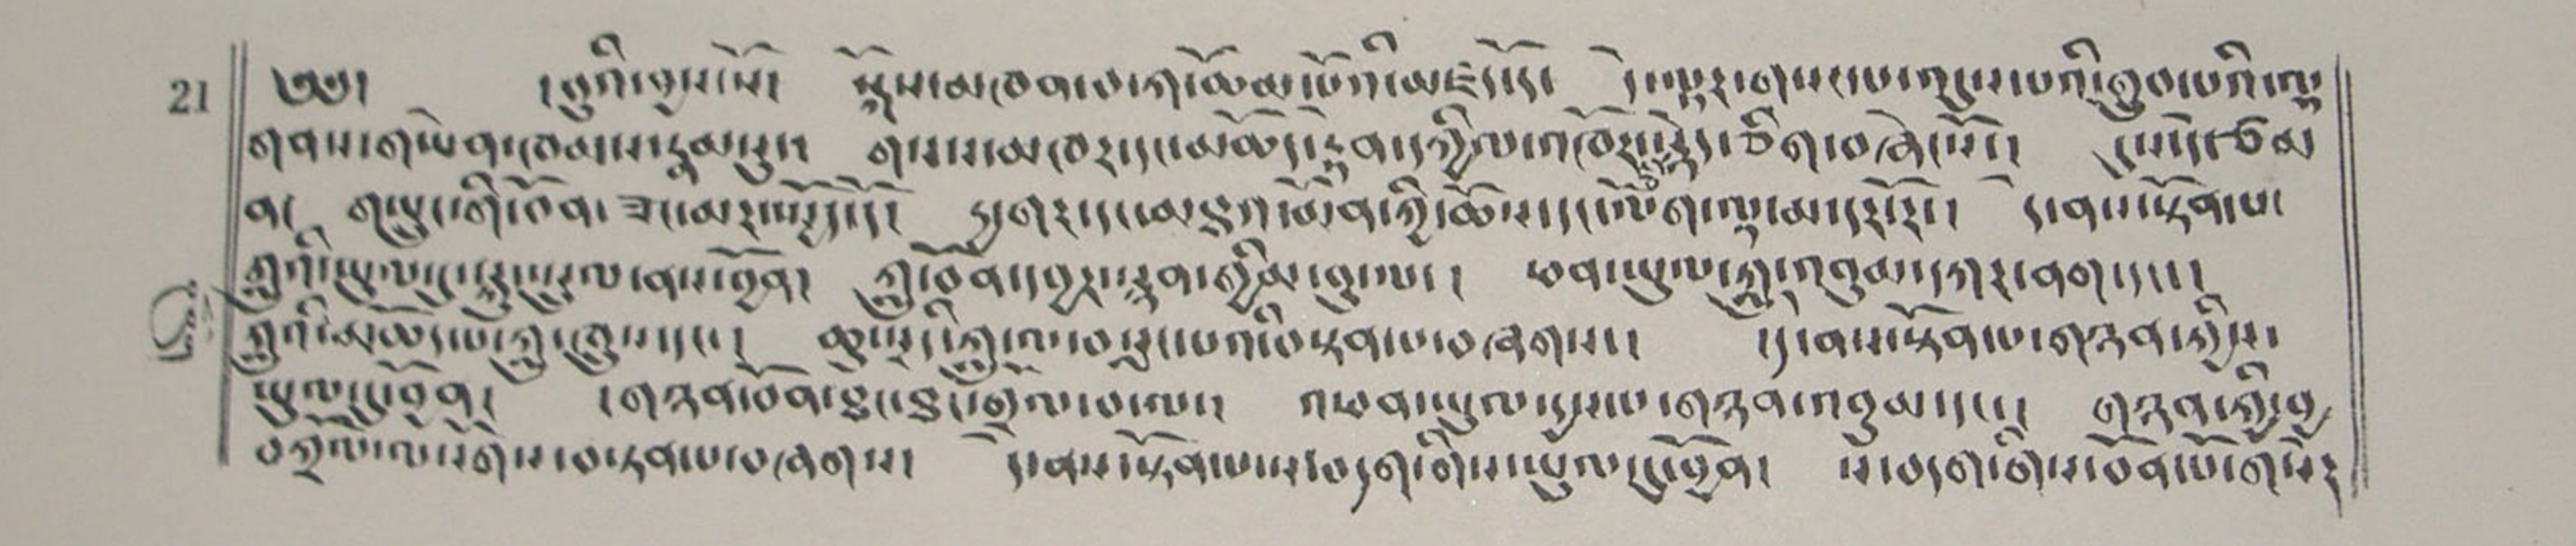༄༅། །བུ་ཡིས་བྱས་སོ། །སྐོས་མཁན་བ་ཀ་ཆེན་པོའི་མཛད་དོ། །དེ་ལྟར་གསང་བ་འདུས་པའི་གྲུབ་པའི་ལྷ་
གནས་གཡེན་ཁམས་རྣམས་སུ། གསས་མཁར་དང་མཆོད་རྟེན་དཀྱིལ་འཁོར་ཅི་སྙེད་ཅིག་བཞེངས་སོ། །དུས་དེ་ཙམ་
ན་གཡུང་དྲུང་གི་བོན་ཟངས་མར་སྤྱོད་དོ། །རྒྱ་གར་དང་མཐའ་མོན་གྱི་ཆོས་དང་ལོག་ལྟ་མ་དར་རོ། །དེ་ནས་སྟོན་པ་
ཀླུའི་ཡུལ་དུ་སྐུ་སྤྲུལ་ནས་བྱོན། ཀླུ་བོན་དབྱར་སྙན་གྱིམ་བུ་ལ། འཕན་ཡུལ་(རྒྱས་པ་)ཀླུ་འབུམ་དཀར་ནག་དང་། 
ཀླུའི་མཆོད་པ་ཀླུ་ཁྲུས་དང་། ཆུ་སྲིད་ཀླུ་ལ་བསླངས་བའི་བསྟན་པ་བཞག་གོ །དེ་ནས་སྟོན་པ་གཉན་གྱི་
ཡུལ་དུ་བྱོན། གཉན་བོན་ཐང་ཐང་ཁྲོལ་བ་ལ། འཕན་ཡུལ་རྒྱས་པ་གཉན་འབུམ་དང་། གཉན་གྱི་བྱ་
བཀྲོལ་ལས་སོགས་བསྟན་པ་བཞག དེ་ནས་སྟོན་པ་ས་བདག་གི་ཡུལ་དུ་བྱོན། ས་བདག་གི་བོན་པོ་གསེར་